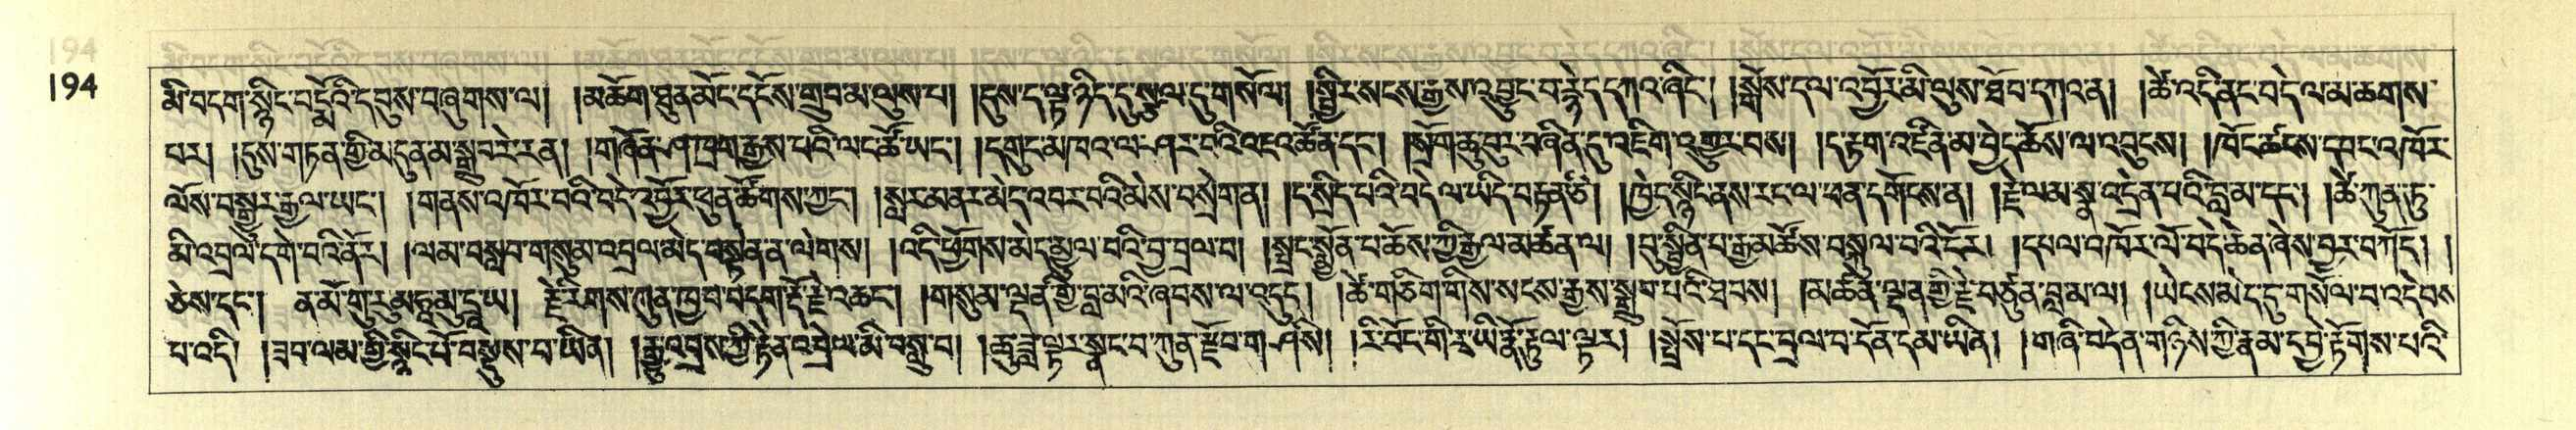མི་བདག་སྙིང་པདམོའི་དབུས་བཞུགས་ལ། །མཆོག་ཐུན་མོང་དངོས་གྲུབ་མ་ལུས་པ། །དུས་ད་ལྟ་ཉིད་དུ་སྩལ་དུ་གསོལ། །སྦྱིར་སངས་རྒྱས་འབྱུང་བ་རྙེད་དཀའ་ཞིང་། །སྒོས་དལ་འབྱོར་མི་ལུས་ཐོབ་དཀའ་ན། །ཚེ་འདི་ནང་བདེ་ལམ་ཆགས་
པར། །དུས་གཏན་གྱི་མདུན་མ་སྒྲུབ་རེ་རན། །གཞོན་ཤ་ཁྲག་རྒྱས་པའི་ལང་ཚོ་ཡང་། །དགུང་མཁའ་ལ་ཤར་བའི་འཇའ་ཚོན་དང་། །སྲོག་ཆུ་བུར་བཞིན་དུ་འཇིག་འགྱུར་བས། །ད་རྟག་འཛིན་མ་བྱེད་ཆོས་ལ་འབུངས། །ཁོང་ཚངས་དབང་འཁོར་
ལོས་བསྒྱུར་རྒྱལ་ཡང་། །གནས་འཁོར་བའི་བདེ་འབྱོར་ཕུན་ཚོགས་ཀྱང་། །སླར་མནར་མེད་འབར་བའི་མེས་བསྲེག་ན། །ད་སྲིད་པའི་བདེ་ལ་ཡིད་བརྟན་ཅི། །ཁྱེད་སྙིང་ནས་རང་ལ་ཕན་དགོངས་ན། །རྗེ་ལམ་སྣ་འདྲེན་པའི་བླ་མ་དང་། །ཚེ་ཀུན་ཏུ་
མི་འབྲལ་དགེ་བའི་ནོར། །ལམ་བསླབ་གསུམ་འབྲལ་མེད་བསྟེན་ན་ལེགས། །འདི་ཕྱོགས་མེད་མྱུལ་བའི་བྱ་བྲལ་བ། །སྤྲང་སྨྱོན་པ་ཆོས་ཀྱི་རྒྱལ་མཚན་ལ། །བུ་སྦྱིན་པ་རྒྱ་མཚོས་བསྐུལ་བའི་ངོར། །དཔལ་འཁོར་ལོ་བདེ་ཆེན་ཞེས་བྱར་བཀོད། །
ཅེས་དང་། ན་མོ་གུ་རུ་མ་ཧཱ་མུ་དྲཱ་ཡ། རྗེ་རིགས་ཀུན་ཁྱབ་བདག་རྡོ་རྗེ་འཆང་། །གསུམ་ལྡན་གྱི་བླ་མའི་ཞབས་ལ་འདུད། །ཚེ་གཅིག་གིས་སངས་རྒྱས་སྒྲུབ་པའི་ཐབས། །མཚན་ལྡན་གྱི་རྗེ་བཙུན་བླ་མ་ལ། །ཡེངས་མེད་དུ་གསོལ་བ་འདེབས་
པ་འདི། །ཟབ་ལམ་གྱི་སྙིང་པོ་བསྡུས་བ་ཡིན། །རྒྱུ་འབྲས་ཀྱི་རྟེན་འབྲེལ་མི་བསླུ་བ། །ཆུ་ཟླ་ལྟར་སྣང་བ་ཀུན་རྫོབ་གཤིས། །རི་བོང་གི་རྭ་ཡི་རྣོ་རྟུལ་ལྟར། །སྤྲོས་པ་དང་བྲལ་བ་དོན་དམ་ཡིན། །གཞི་བདེན་གཉིས་ཀྱི་རྣམ་དབྱེ་རྟོགས་པའི་